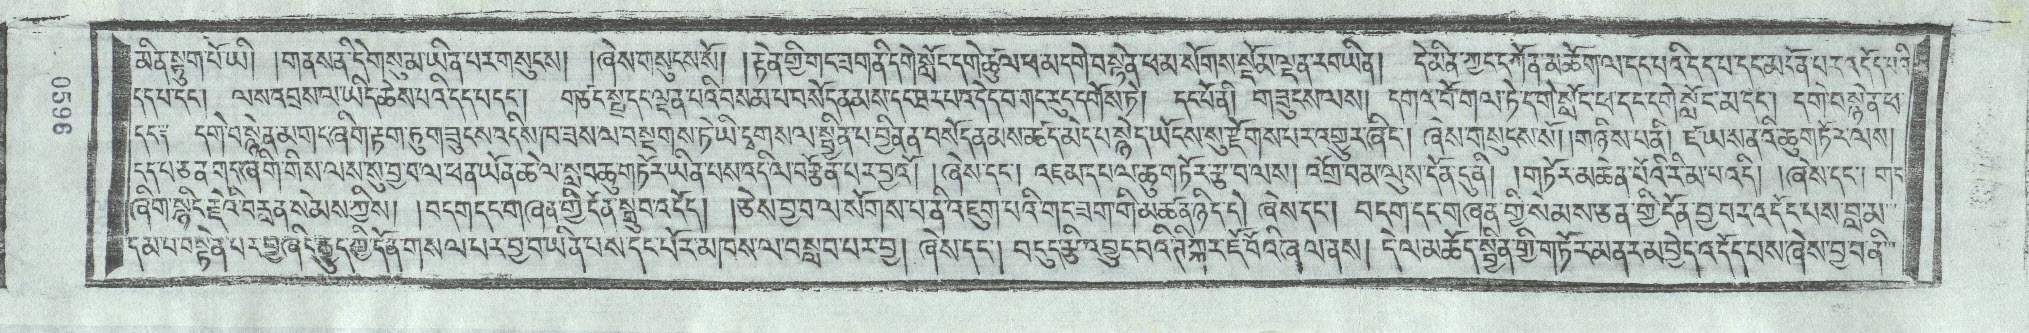མིན་སྟུག་པོ་ཡི། །གནས་ནི་དེ་གསུམ་ཡིན་པར་གསུངས། །ཞེས་གསུངས་སོ། །རྟེན་གྱི་གང་ཟག་ནི་དགེ་སློང་དགེ་ཚུལ་ཕ་མ་དགེ་བསྙེན་ཕ་མ་སོགས་སྡོམ་ལྡན་རབ་ཡིན། དེ་མིན་ཀྱང་དཀོན་མཆོག་ལ་དང་པའི་དད་པ་དང་མངོན་པར་འདོད་པའི་
དད་པ་དང་། ལས་འབྲས་ལ་ཡིད་ཆེས་པའི་དད་པ་དང་། གཙང་སྦྲ་དང་ལྡན་པའི་བསམ་པ་བསོད་ནམས་དང་ཐར་པ་འདོད་བ་གང་རུང་དགོས་ཏེ། དང་པོ་ནི། གཟུངས་ལས། དགའ་བོ་གལ་ཏེ་དགེ་སློང་ཕ་དང་དགེ་སློང་མ་དང་། དགེ་བསྙེན་ཕ་
དང༑ དགེ་བསྙེན་མ་གང་ཞིག་རྟག་ཏུ་གཟུངས་འདིས་ཁ་ཟས་ལ་བསྔགས་ཏེ་ཡི་དྭགས་ལ་སྦྱིན་པ་བྱིན་ན་བསོད་ནམས་ཚད་མེད་པ་སྙེད་ཡོངས་སུ་རྫོགས་པར་འགྱུར་ཞིང་། ཞེས་གསུངས་སོ། །གཉིས་པ་ནི། ཛ་ཡ་ས་ནའི་ཆུ་གཏོར་ལས།
དད་པ་ཅན་གང་ཞིག་གིས་ལས་སུ་བྱ་བ་ལ་ཕན་ཡོན་ཆེ་ལ་སླབ་ཆུ་གཏོར་ཡིན་པས་འདི་ལ་བརྩོན་པར་བྱའོ། །ཞེས་དང་། འཇམ་དཔལ་ཆུ་གཏོར་རྩ་བ་ལས། འགྲོ་བ་མ་ལུས་དོན་དུ་ནི། །གཏོར་མཆེན་པོའི་རིམ་པ་འདི། །ཞེས་དང་། གང་
ཞིག་སྙིང་རྗེའི་བརྟན་སེམས་ཀྱིས། །བདག་དང་གཞན་གྱི་དོན་སྦུབ་འདོང་། །ཅེས་བྱ་བ་ལ་སོགས་པ་ནི་འཇུག་པའི་གང་ཟག་གི་མཚན་ཉིད་དེ། ཞེས་དང་། བདག་དང་གཞན་གྱི་སེམས་ཅན་གྱི་དོན་བྱ་བར་འདོད་པས་བླ་མ་
དམ་པ་བསྟེན་པར་བྱ་ཞིང་རྒྱུད་ཀྱི་དོན་གསལ་པར་བྱ་བ་ཡིན་པ་གདོང་པོར་མཁམ་ལ་བསླབ་པར་བྱ། ཞེས་དང་། བདུད་རྩི་འབྱུང་བའི་ཊིཀྐར་ཇོ་བོའི་ཞལ་ནས། དེ་ལ་མཆོད་སྦྱིན་གྱི་གཏོར་མནར་མ་བྱེད་འདོད་པས་ཞེས་བྱ་བ་ནི་